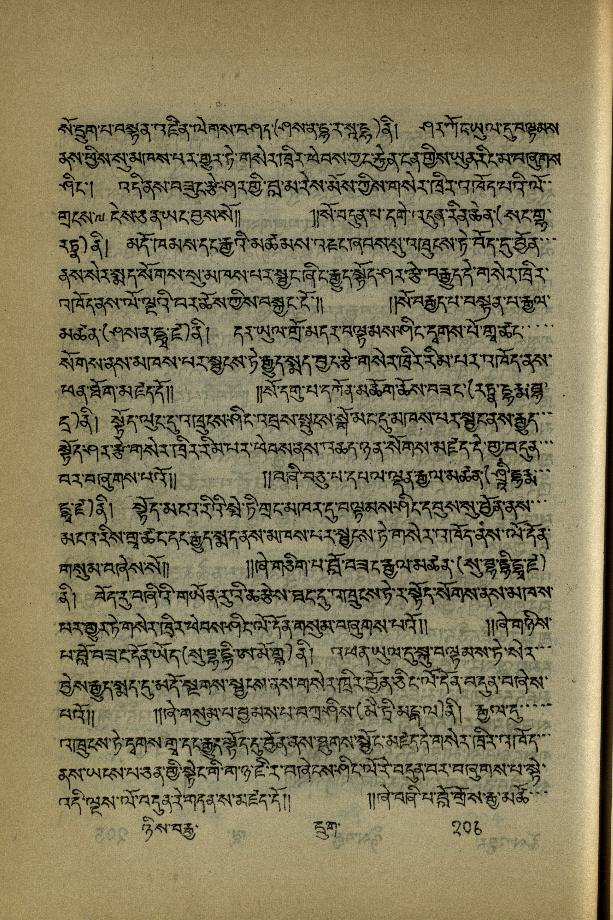སོ་དྲུག་པ་བསྟན་འཛིན་ལེགས་བཤད་ཤས་ན་དྷ་ར་སཱ་དྷ་ནི། ཤར་ཀོང་ཡུལ་དུ་བལྟམས་
ནས་ཕྱིས་སུ་མཁས་པར་གྱུར་ཏེ་གསེར་ཁྲིར་ཕེབས་ཀྱང་རྐྱེན་ངན་གྱིས་ཡུན་རིང་མ་བཞུགས་
ཤིང་། འདི་ནས་བཟུང་རྩེ་ཤར་གྱི་བླ་མ་རེས་མོས་ཀྱིས་གསེར་ཁྲིར་འཁོད་པའི་ལོ་
གྲངས་ངེས་ཅན་ཡང་བྱས་སོ།། །།སོ་བདུན་པ་དགེ་འདུན་རིན་ཆེན་སང་གྷ་
རཏྣ་ནི། མདོ་ཁམས་དང་རྒྱའི་མཚམས་འཇང་ཞབས་སུ་འཁྲུངས་ཏེ་བོད་དུ་བྱོན་
ནས་སེར་སྨད་སོགས་སུ་མཁས་པར་སྦྱང་ཞིང་རྒྱུད་སྟོད་ཤར་རྩེ་བརྒྱུད་དེ་གསེར་ཁྲིར་
འཁོད་ནས་ལོ་ལྔའི་བར་ཆོས་ཀྱིས་བསྐྱང་ངོ།། །།སོ་བརྒྱད་པ་བསྟན་པ་རྒྱལ་
མཚན་ཤས་ན་དྷྭ་ཛ་ནི། དར་ཡུལ་གྲོ་མདར་བལྟམས་ཤིང་དྭགས་པོ་གྲྭ་ཚང་
སོགས་ནས་མཁས་པར་སྦྱངས་ཏེ་རྒྱུད་སྨད་བྱང་རྩེ་གསེར་ཁྲིར་རིམ་པར་འཁོད་ནས་
ཕན་ཐོག་མཛད་དོ།། །།སོ་དགུ་པ་དཀོན་མཆོག་ཆོས་བཟང་རཏྣ་དྷརྨ་བྷ་
དྲ་ནི། སྟོད་ལུང་དུ་འྐྲྷུངས་ཤིང་འབྲས་སྤུངས་སྒོ་མང་དུ་མཁས་པར་སྦྱང་ནས་རྒྱུད་
སྟོད་ཤར་རྩེ་གསེར་ཁྲིར་རིམ་པར་ཕེབས་ནས་འཆད་ཉན་སོགས་མཛད་དེ་གྱ་བདུན་
བར་བཞུགས་པའོ།། །།བཞི་བཅུ་པ་དཔལ་ལྡན་རྒྱལ་མཚན་ཤྲཱི་དྷརྨ་
དྷྭ་ཛ་ནི། སྟོད་མངའ་རིའི་སྤེ་ཏི་གྲང་མཁར་དུ་བལྟམས་ཤིང་དབུས་སུ་བྱོན་ནས་
མངའ་རིས་གྲྭ་ཚང་དང་རྒྱུད་སྨད་ནས་མཁས་པར་སྦྱངས་ཏེ་གསེར་འཁོད་ནས་ལོ་དོན་
གསུམ་བཞེས་སོ།། །།ཞེ་གཅིག་པ་བློ་བཟང་རྒྱལ་མཚན་སུ་བྷ་དྷིདྷྭ་ཛ
ནི། བོད་རུ་བཞིའི་གཡོན་རུའི་ཆ་རྩེས་ཐང་དུ་འཁྲུངས་ཏེ་ར་སྟོད་སོགས་ནས་མཁས་
བར་གྱུར་ཏེ་གསེར་ཁྲིར་ཕེབས་ཤིང་ལོ་དོན་གསུམ་བཞུགས་པའོ།། །།ཞེ་གཉིས་
པ་བློ་བཟང་དོན་ཡོད་་སུ་བྷ་དྷི་ཨ་མོ་གྷ་ནི། འཕན་ཡུལ་དུ་སྐུ་བལྟམས་ཏེ་སེར་
བྱེས་རྒྱུད་སྨད་དུ་མདོ་སྔགས་སྦྱངས་ནས་གསེར་ཁྲིར་བྱོན་ཅིང་ལོ་དོན་བདུན་བཞེས་
པའོ།། །།ཞེ་གསུམ་པ་བྱམས་པ་བཀྲ་ཤིས་མཻ་ཏྲི་མངྒ་ལ་་ནི། རྒྱལ་དུ་
འཁྲུངས་ཏེ་དྭགས་གྲྭ་དང་རྒྱུད་སྟོད་དུ་བྱོན་ནས་ཐུགས་སྦྱོང་མཛད་དེ་གསེར་ཁྲིར་འཁོད་
ནས་ཡངས་པ་ཅན་གྱི་སྟེང་གི་ག་ཉ་ཛི་ར་བཞེངས་ཤིང་ལོ་རེ་བདུན་བར་བཞུགས་པ་སྟེ་
འདི་ལྔས་ལོ་བདུན་རེ་གདན་ས་མཛད་དོ།། །།ཞེ་བཞི་པ་བློ་གྲོས་རྒྱ་མཚོ་